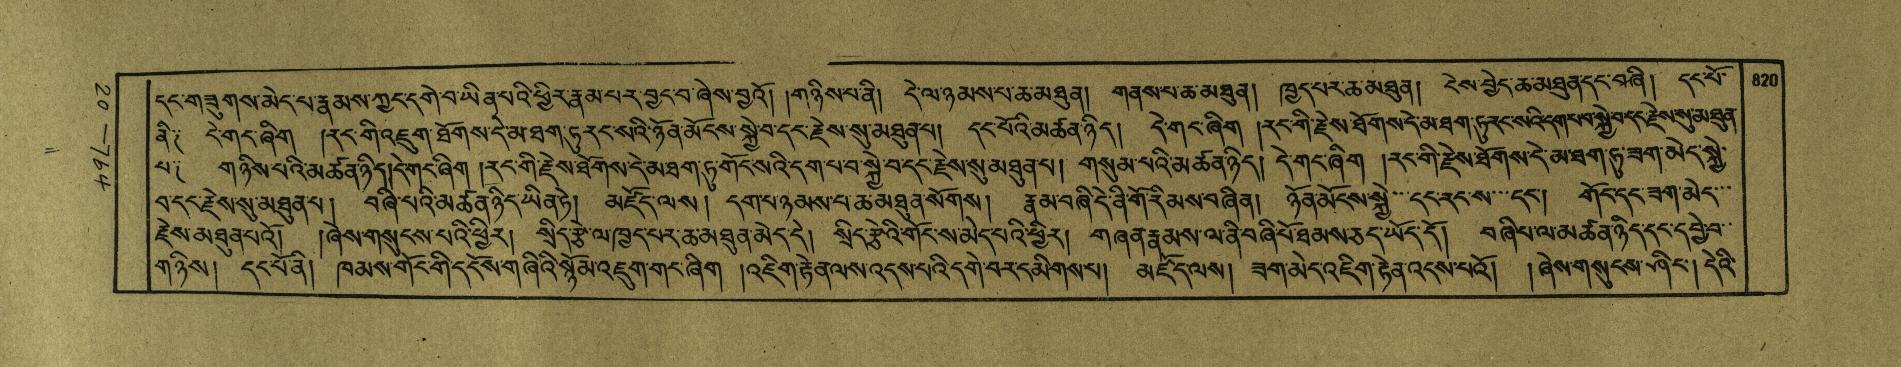དང་གཟུགས་མེད་པ་རྣམས་ཀྱང་དགེ་བ་ཡིན་པའི་ཕྱིར་རྣམ་པར་བྱང་བ་ཞེས་བྱའོ། །གཉིས་པ་ནི། དེ་ལ་ཉམས་པ་ཆ་མཐུན། གནས་པ་ཆ་མཐུན། ཁྱད་པར་ཆ་མཐུན། ངེས་བྱེད་ཆ་མཐུན་དང་བཞི། དང་པོ་
ནི༑ དེ་གང་ཞིག །རང་གི་འཇུག་ཐོགས་དེ་མ་ཐག་ཏུ་རང་སའི་ཉོན་མོངས་སྐྱེ་བ་དང་རྗེས་སུ་མཐུན་པ། དང་པོའི་མཚན་ཉིད། དེ་གང་ཞིག །རང་གི་རྗེས་ཐོགས་དེ་མ་ཐག་ཏུ་རང་སའི་དག་པ་བ་སྐྱེ་བ་དང་རྗེས་སུ་མཐུན་
པ༑ གཉིས་པའི་མཚན་ཉིད། དེ་གང་ཞིག །རང་གི་རྗེས་ཐོགས་དེ་མ་ཐག་ཏུ་གོང་སའི་དག་པ་བསྐྱེ་བ་དང་རྗེས་སུ་མཐུན་པ། གསུམ་པའི་མཚན་ཉིད། དེ་གང་ཞིག །རང་གི་རྗེས་ཐོགས་དེ་མ་ཐག་ཏུ་ཟག་མེད་སྐྱེ་
བ་དང་རྗེས་སུ་མཐུན་པ། བཞི་པའི་མཚན་ཉིད་ཡིན་ཏེ། མཛོད་ལས། དག་པ་ཉམས་པ་ཆ་མཐུན་སོགས། རྣམ་བཞི་དེ་ནི་གོ་རིམས་བཞིན། ཉོན་མོངས་སྐྱེ་དང་རང་ས་དང་། གོང་དང་ཟག་མེད་
རྗེས་མཐུན་པའོ། །ཞེས་གསུངས་པའི་ཕྱིར། སྲིད་རྩེ་ལ་ཁྱད་པར་ཆ་མཐུན་མེད་དེ། སྲིད་རྩེའི་གོང་ས་མེད་པའི་ཕྱིར། གཞན་རྣམས་ལ་ནི་བཞི་པོ་ཐམས་ཅད་ཡོད་དོ། །བཞི་པ་ལ་མཚན་ཉིད་དང་དབྱེ་བ་
གཉིས། དང་པོ་ནི། ཁམས་གོང་གི་དངོས་གཞིའི་སྙོམ་འཇུག་གང་ཞིག །འཇིག་རྟེན་ལས་འདས་པའི་དགེ་བར་དམིགས་པ། མཛོད་ལས། ཟག་མེད་འཇིག་རྟེན་འདས་པའོ། །ཞེས་གསུངས་ཤིང་། དེའི་